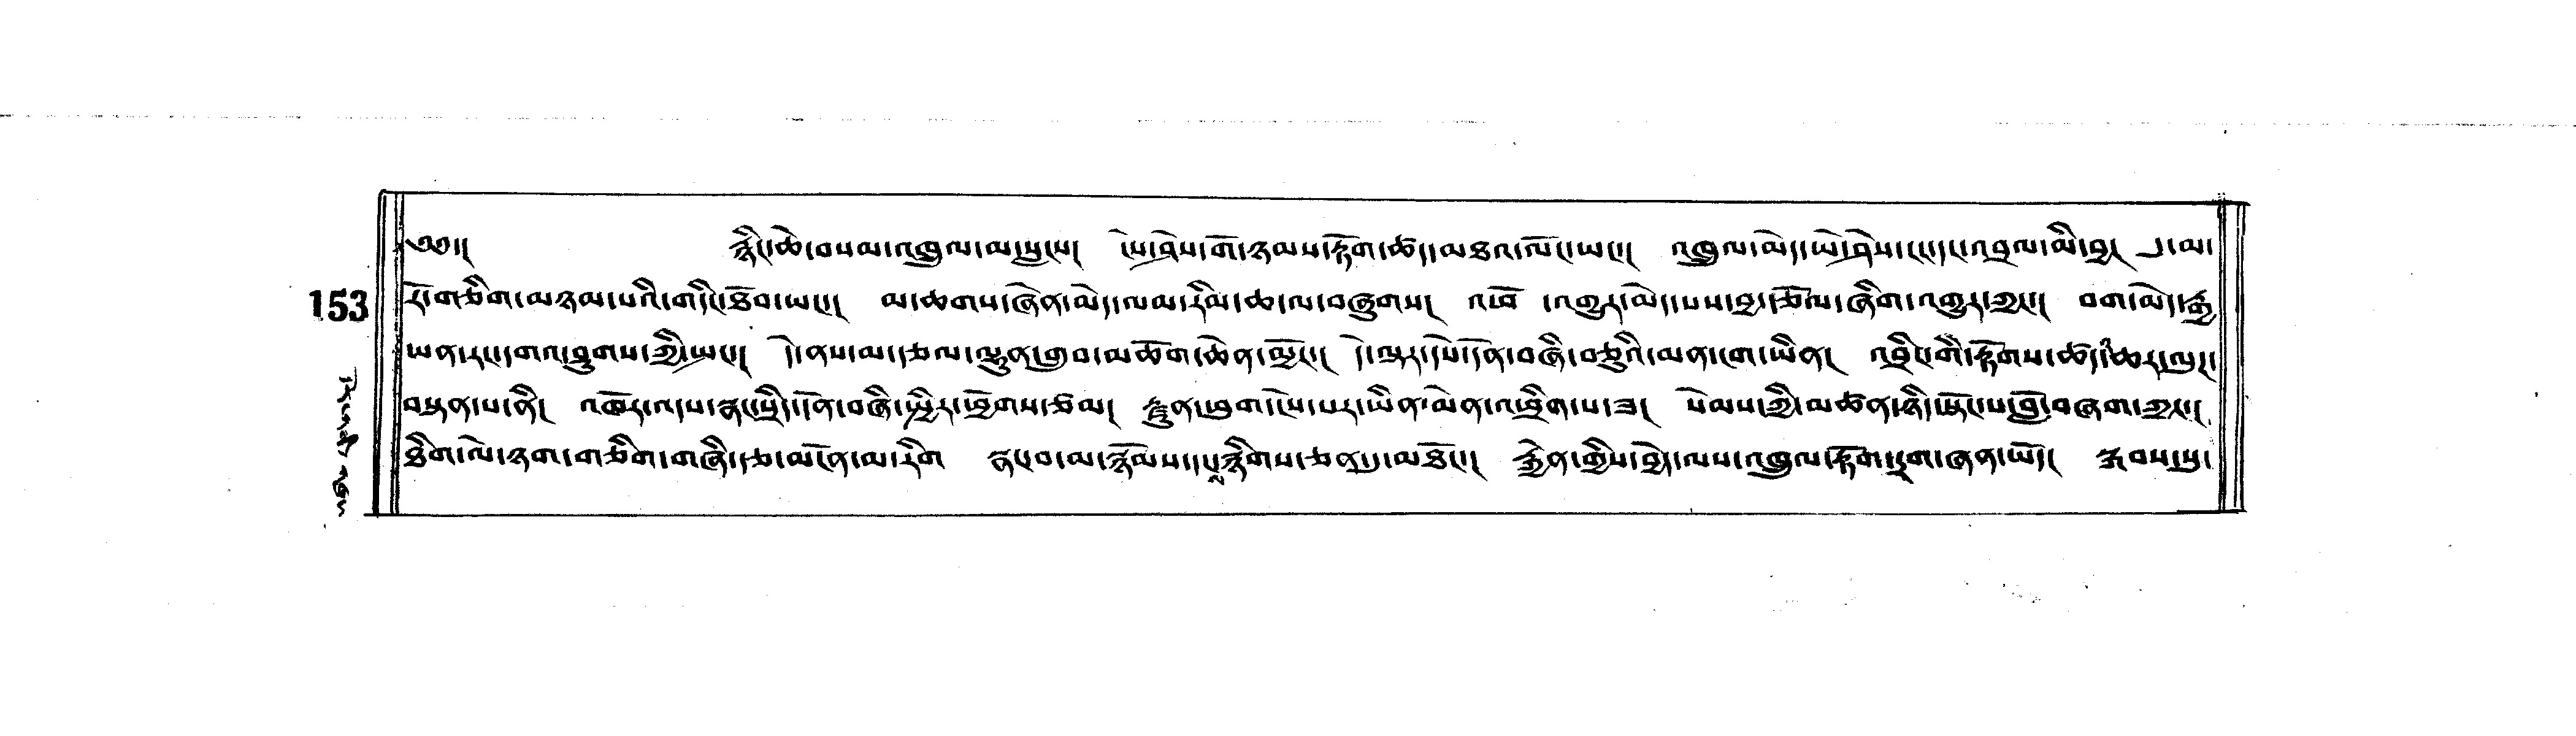རྙིང་ཆེ་བསམ་འཁྲུལ་མ་བསླངས། ངེས་ཤེས་གོ་མཉམ་རྟོགས་ཚད་མཐའ་ལོང་ཡང་། འཁྲུལ་མེད་ཡེ་ཤེས་ངང་དང་འབྲལ་མི་བྱ། དུ་མ་
རོ་གཅིག་མཉམ་པའི་གདེང་ཐོབ་ཡང་། མ་ཆགས་ཞེན་མེད་ལམ་རིམ་ཆ་ལ་ཞུགས། འཕོ་འགྱུར་མེད་པས་བྱ་རྩོལ་ཞིག་གྱུར་ཀྱང་། བག་མེད་རྒྱ་
ཡན་རང་དགའ་ཤུགས་ཀྱིས་སྤང་། དེ་ནས་མ་བརྩལ་ལྷུན་གྲུབ་མཆོག་ཆེན་མྱོང་། དེ་ལྟར་དཔེ་དོན་བཞི་བཅུའི་མན་ངག་ཡིན། འབྲིང་གི་རྟོགས་ཚད་འཆར་ལུགས་
བསྟན་པ་ནི། འཁོར་འདས་སྣང་སྲིད་དོན་བཞི་སྤྱིར་ཕྱོགས་ཙམ། རྫུན་ཕུག་ངེས་པར་ཡིན་མིན་འཕྲིག་པ་ཟ། སེམས་ཀྱི་མཚན་ཉིད་སྟོང་པ་བློ་བཞག་ཀྱང་། 
ཐིག་ལེ་ཉག་ཅིག་གཞི་རྩ་མངོན་མ་རེག སྣང་བ་མ་སྙོམས་དྭངས་སྙིགས་ཅན་དུ་མཐོང་། རྐྱེན་གྱིས་བྱེད་ལས་འཁྲུལ་རྟོག་དྲག་ཞན་ཡོད། སྐབས་སུ་